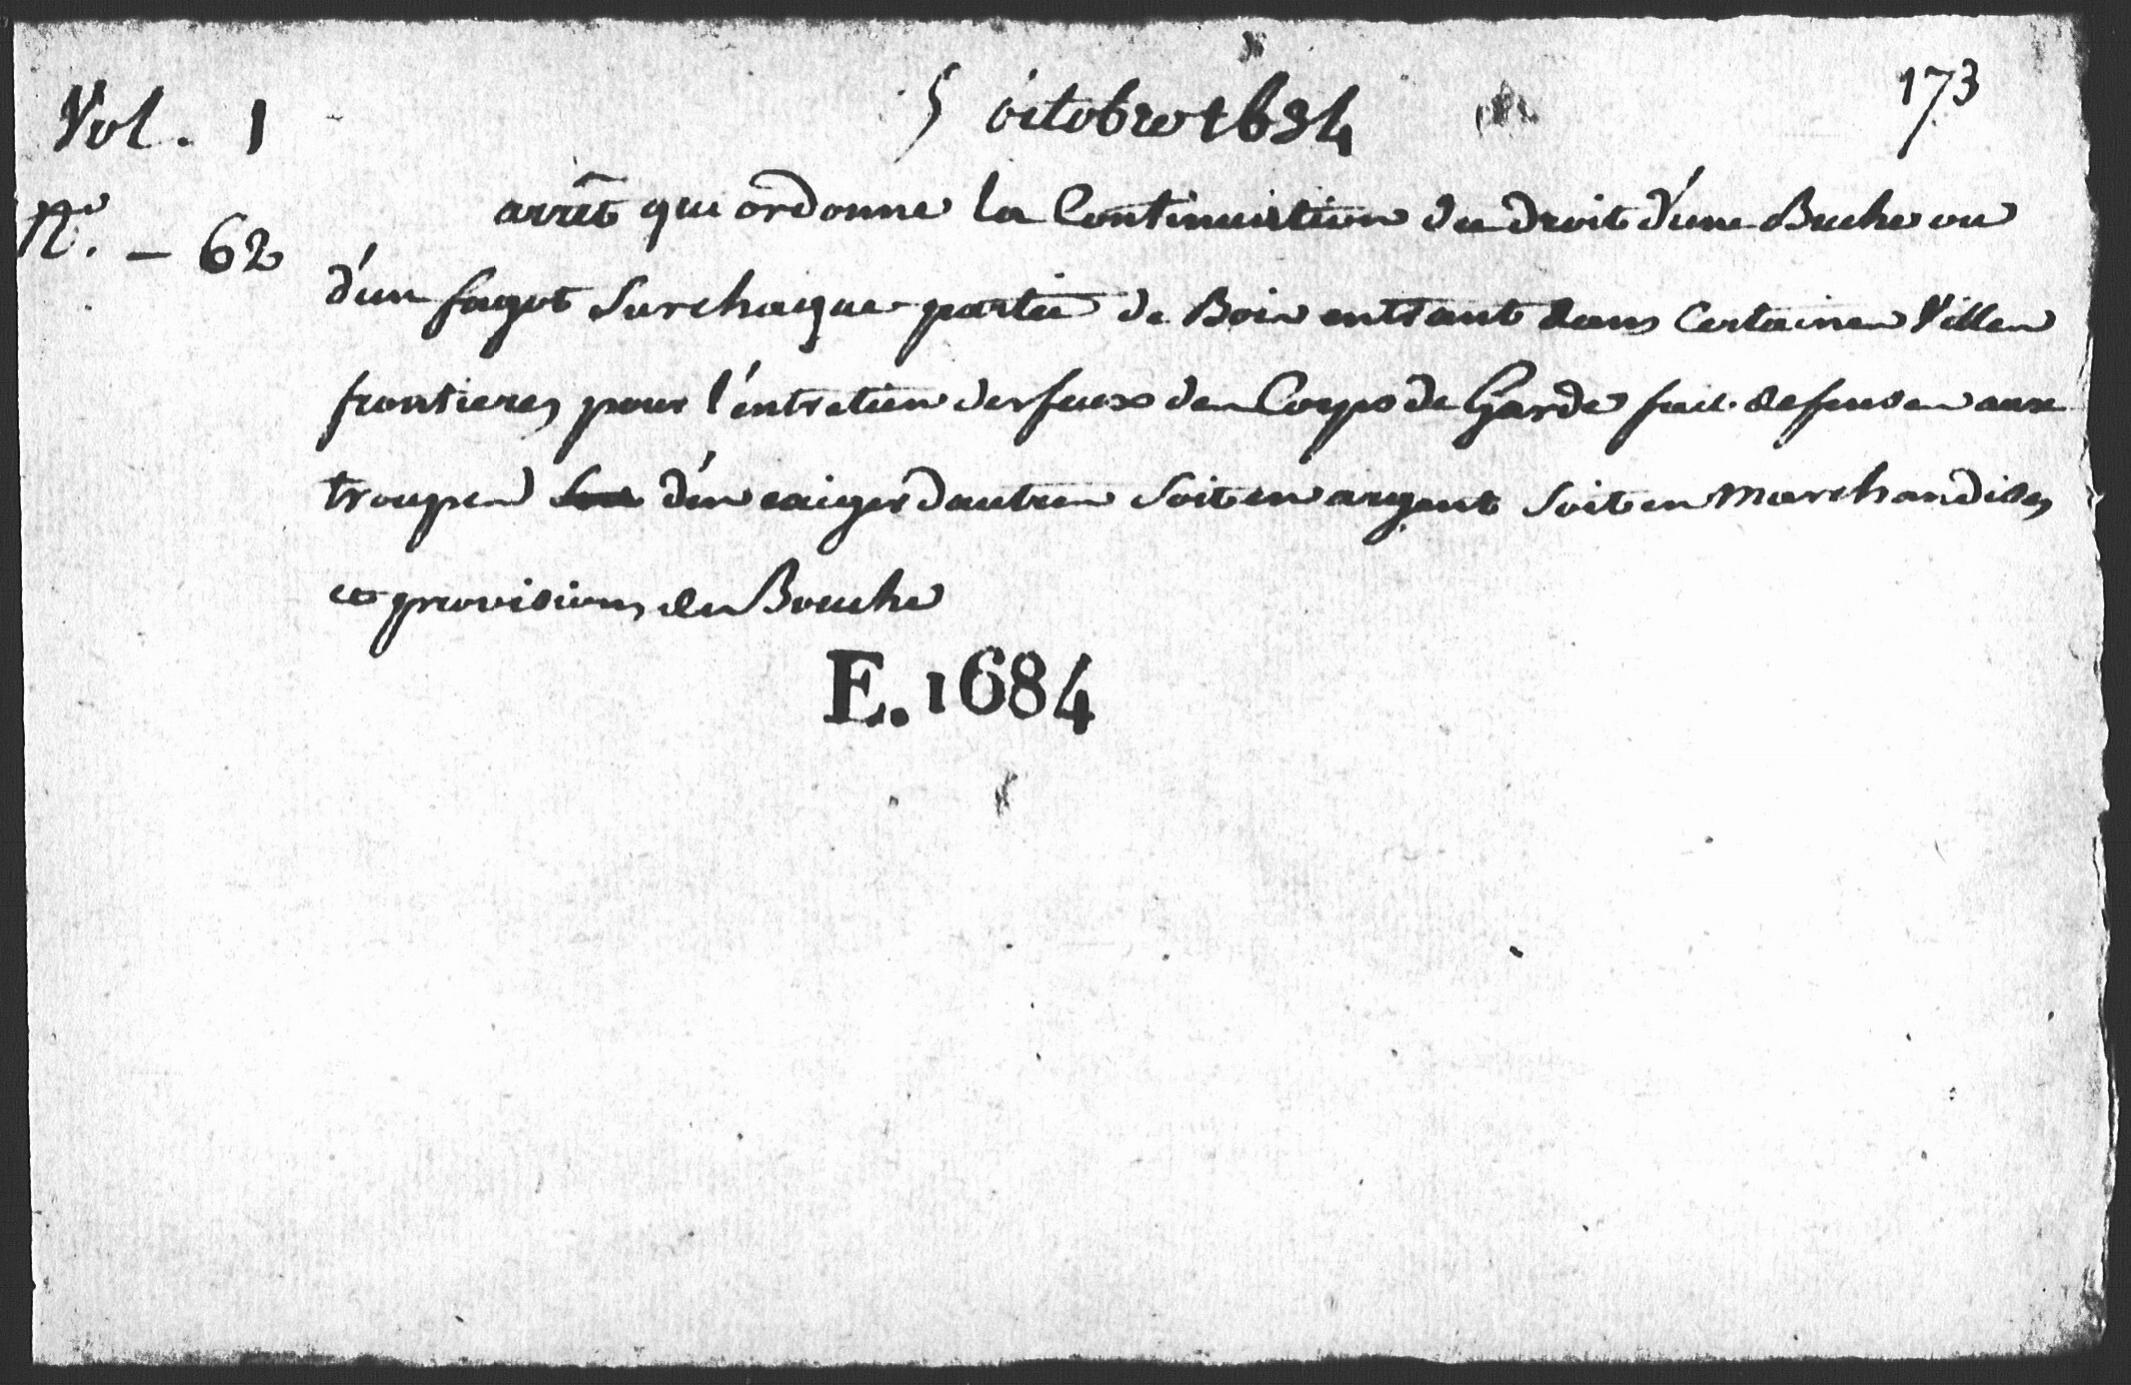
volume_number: n°62
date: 5 octobre 1634
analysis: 173
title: Arrêt qui ordonne la continuation du droit d’une buche ou d’un fagot sur chaque partie de bois entrant dans certaines villes frontieres pour l’entretien des feux des corps de garde fait defenses aux troupes [soit, barré] d’en exiger d’autres soit en argent soit en marchandises et provisions de bouche
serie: E
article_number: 1684
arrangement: vol. 1
